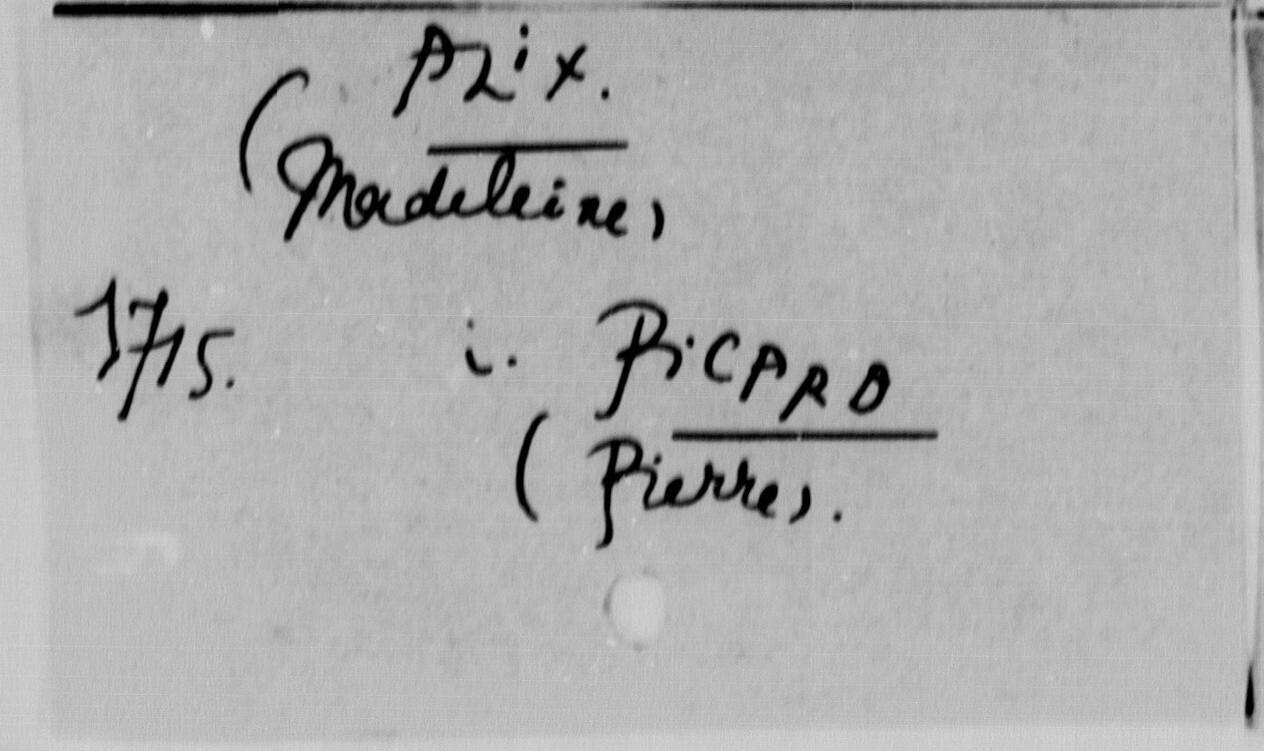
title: ALIX (Madeleine)
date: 1715
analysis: Voir PICARD (Pierre)
